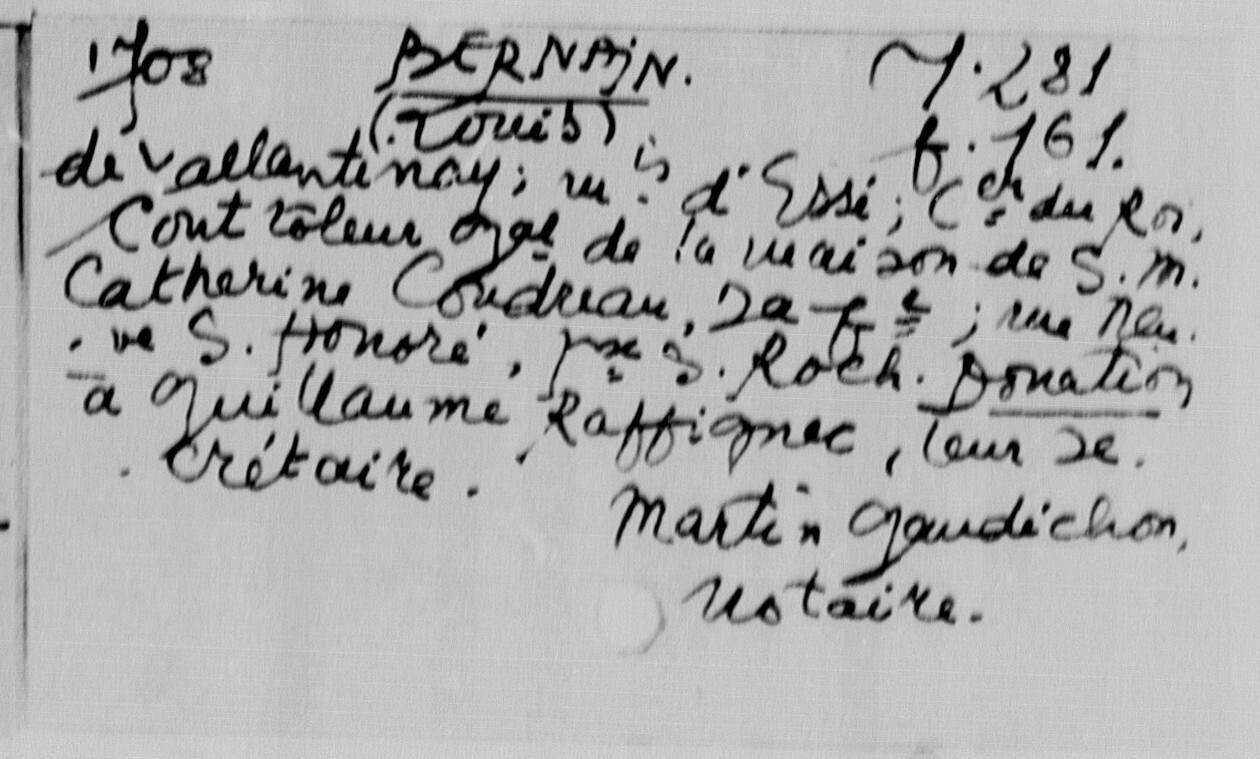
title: BERNAIN (Louis)
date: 1708
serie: Y
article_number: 281
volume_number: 161
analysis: de Vallantinay ; marquis d'Essé ; conseiller du roi, contrôleur général de la maison de Sa Majesté. Catherine Coudreau, sa femme ; rue Neuve-Saint-Honoré, paroisse Saint-Roch. Donation à Guillaume Raffignac, leur secrétaire. Martin Gaudichon, notaire.
